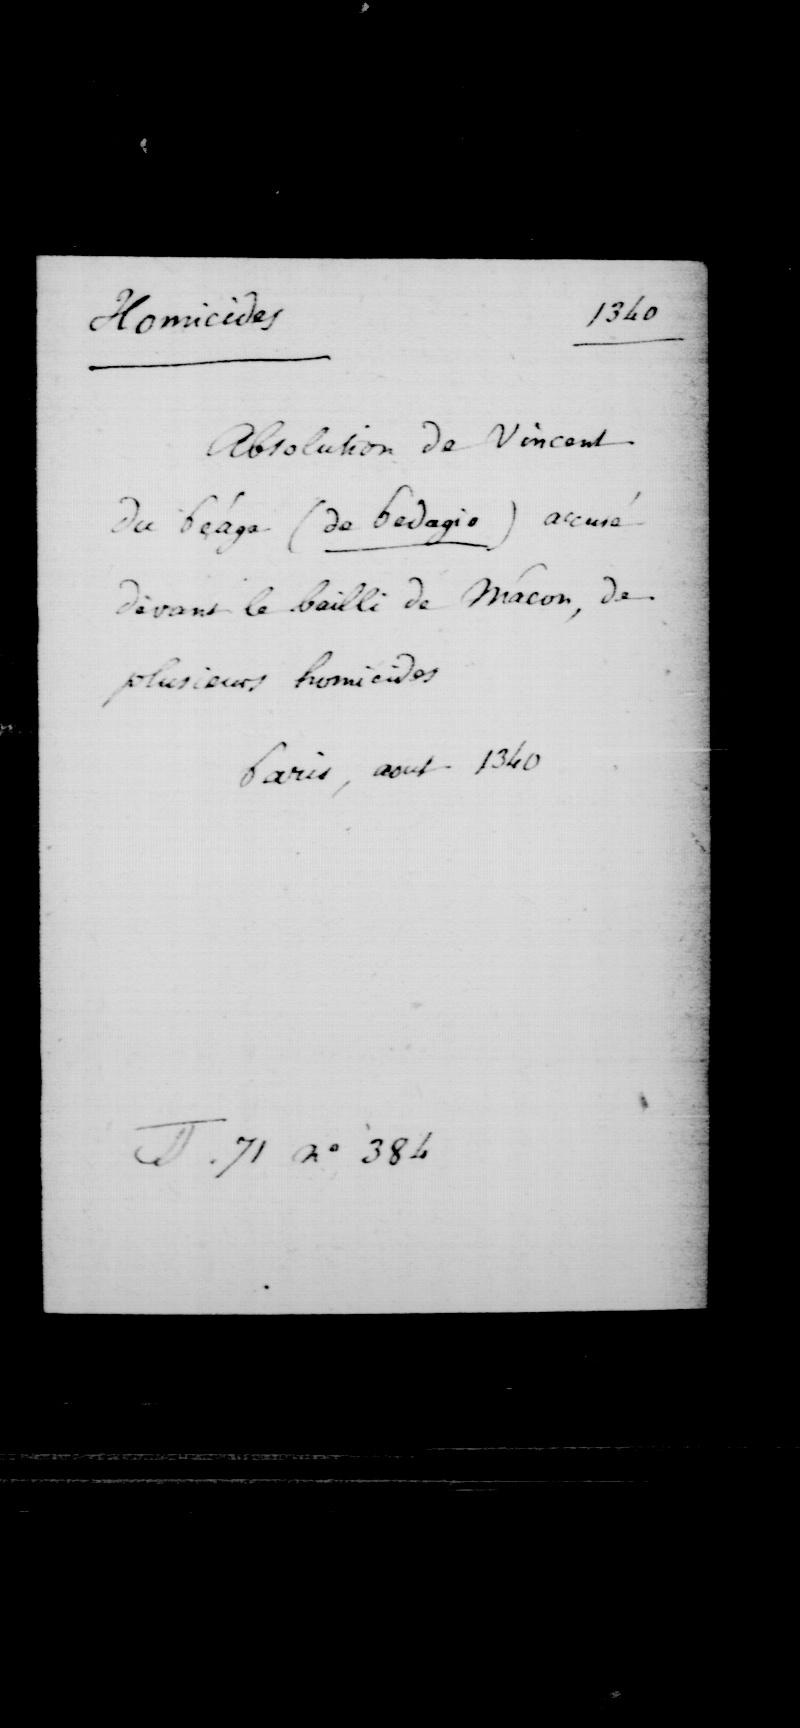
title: Homicides
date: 1340
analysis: Absolution de Vincent du Péage (de Pedagio) accusé devant le bailli de Mâcon, de plusieurs homicides Paris août 1340
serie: JJ
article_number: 71
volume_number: n° 384
